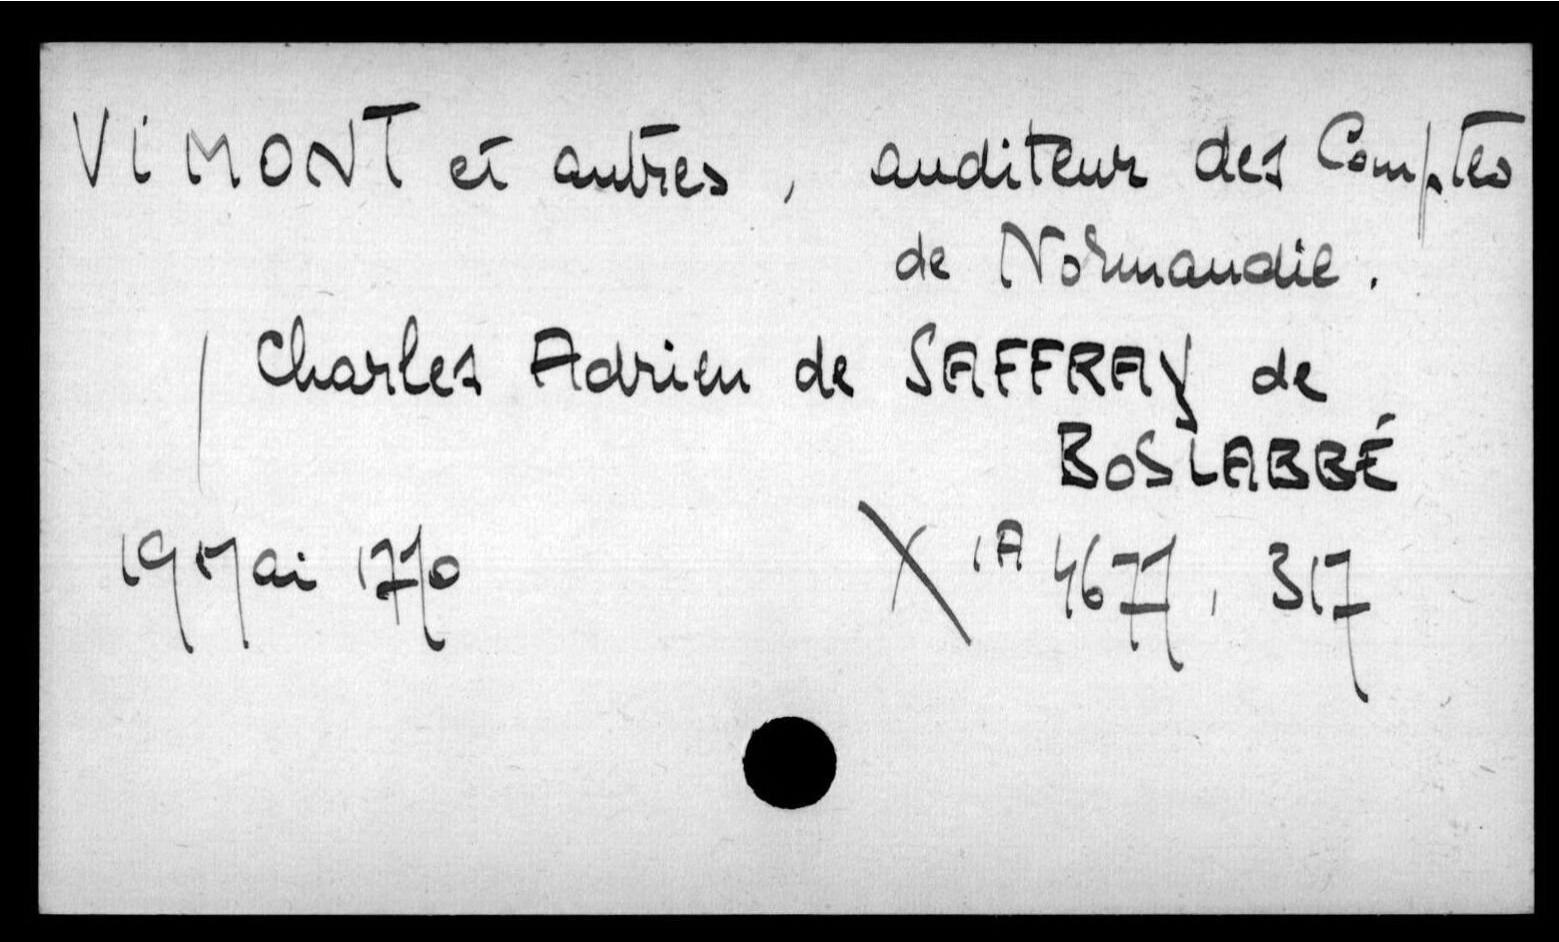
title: VIMONT et autres, auditeur des comptes de Normandie
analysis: Contre Charles Adrien de SAFFRAY de BOSLABBÉ
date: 19 mai 1770
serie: X1A
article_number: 4677
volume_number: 317
